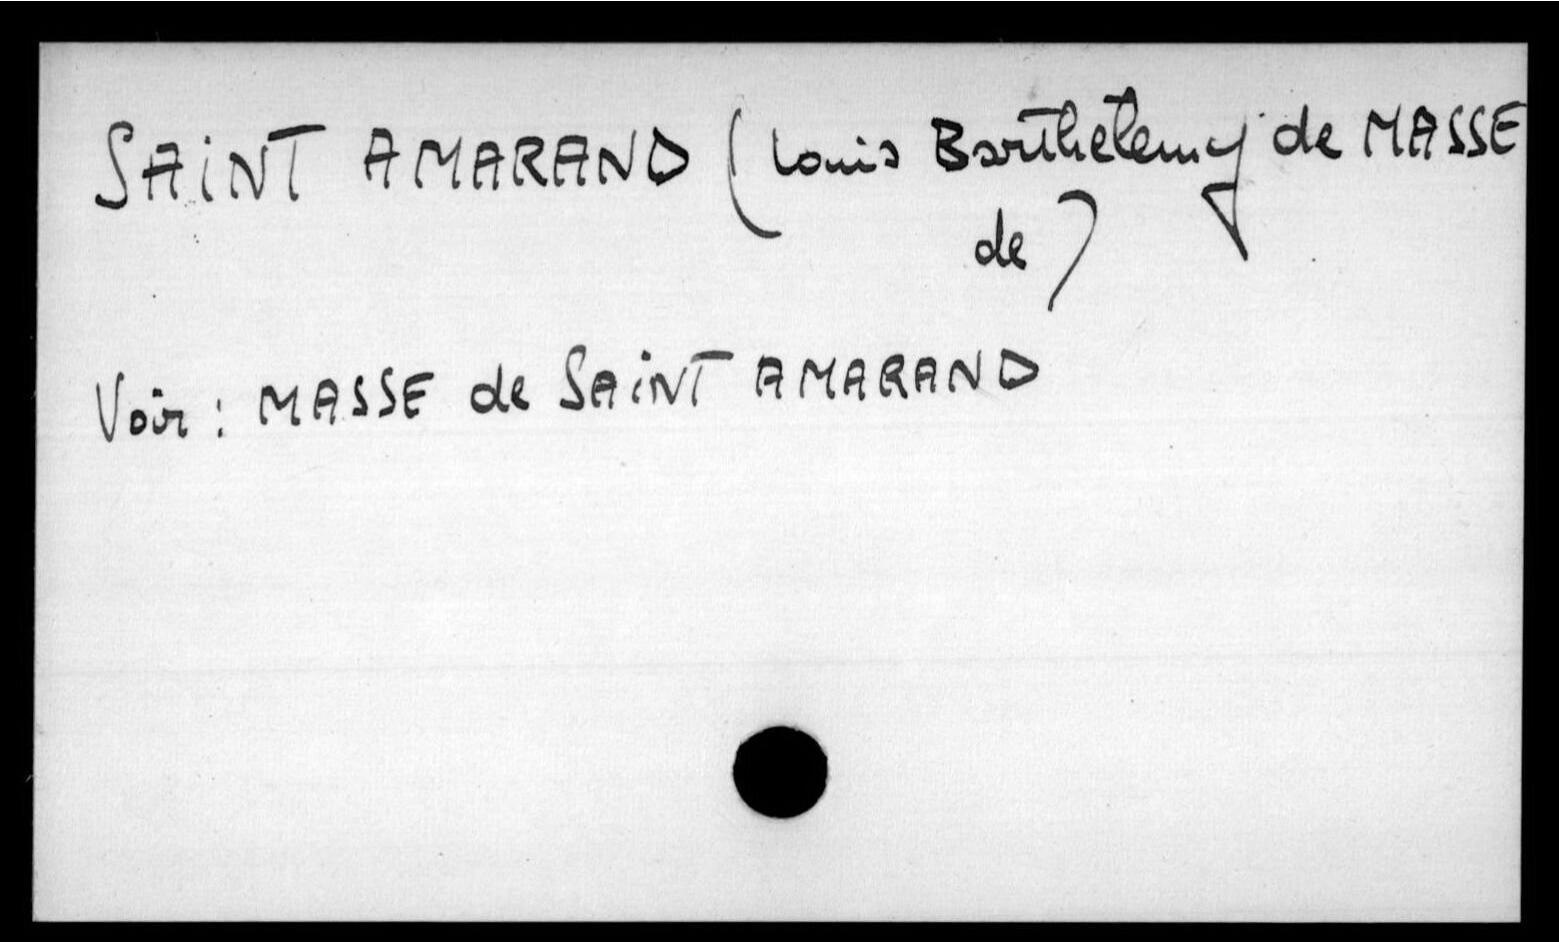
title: SAINT AMARAND (Louis Barthélemy de MASSE de)
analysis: voir : MASSE de SAINT AMARAND
